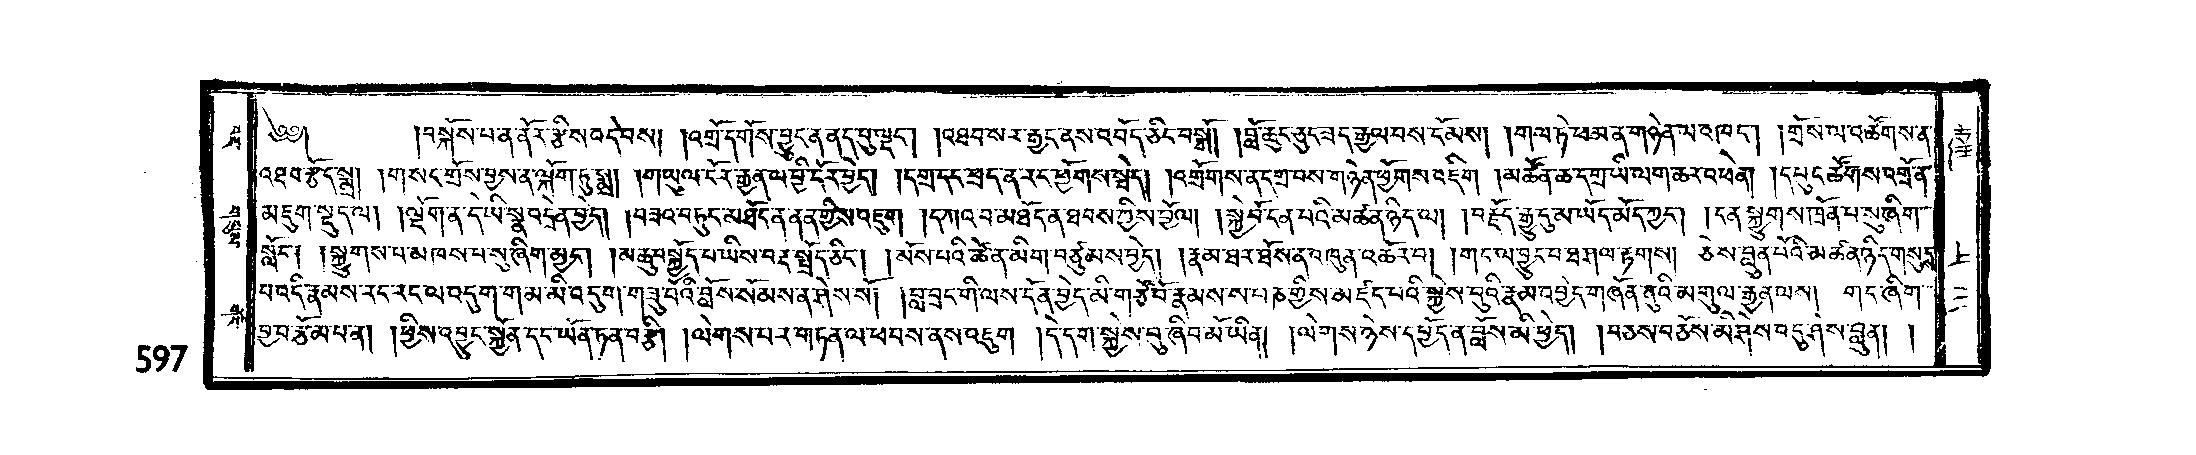༄༅། །བསྐོས་པ་ན་ནོར་རྩིས་འདེབས། །འགྲོ་དགོས་བྱུང་ན་ནད་བུ་ལྡང་། །འཐབ་སར་རྒྱང་ནས་འབོད་ཅིང་བསྒོ། །བློ་ཆུང་ཅུང་ཟད་རྒྱལ་བས་ངོམས། །གལ་ཏེ་ཕམ་ན་གཉེན་ལ་འཁང་། །གྲོས་ལ་འཚོགས་ན་
འཐབ་རྩོད་སྨྲ། །གསང་གྲོས་བྱས་ན་ལྐོག་ཏུ་སྨྲ། །གཡུལ་ངོར་རྒྱན་ལ་བྱི་དོར་བྱེད། །དགྲ་དང་ཕྲད་ན་རང་ཕྱོགས་སྦེད། །འགྲོགས་ན་དགྲ་བས་གཉེན་ཕྱོགས་འཇིག །མཚོན་ཆ་དགྲ་ཡི་ལག་ཆར་འཕེན། །དཔུང་ཚོགས་འགྲོ་ན་
མཇུག་སྡུད་ལ། །ལྡོག་ན་དེ་ཡི་སྣ་འདྲེན་བྱེད། །བཟའ་བཏུང་མཐོང་ན་ནན་གྱིས་འཇུག །དཀའ་བ་མཐོང་ན་ཐབས་ཀྱིས་བྱོལ། །སྐྱེ་བོ་ངན་པའི་མཚན་ཉིད་ལ། །བརྗོད་རྒྱུ་དུ་མ་ཡོད་མོད་ཀྱང་། །ངན་སྐྱུགས་ཁྲོན་པ་སུ་ཞིག་
སློང་། །སྐྱུགས་པ་མཁས་པ་སུ་ཞིག་མྱང་། །མ་ཆུ་བསྐྱོད་པ་ཡིས་བརྡ་སྤྲོད་ཅིང་། །མོས་པའི་ཚེ་ན་མིག་བཙུམས་བྱེད། །རྣམ་ཐར་ཐོས་ན་འཁུན་འཆོར་བ། །གང་ལ་བྱུང་བ་ཐ་ཤལ་རྟགས། ཅེས་བླུན་པོའི་མཚན་ཉིད་གསུངས་
པ་འདི་རྣམས་རང་རང་ལ་འདུག་གམ་མི་འདུག་གཟུ་བོའི་བློས་སོམས་ན་ཤེས་སོ། །བླ་བྲང་གི་ལས་དོན་བྱེད་མི་གཙོ་བོ་རྣམས་ས་པཎ་གྱིས་མཛད་པའི་སྐྱེས་བུའི་རྣམ་འབྱེད་གཞོན་ནུའི་མགུལ་རྒྱན་ལས། གང་ཞིག་
བྱ་བ་རྩོམ་པ་ན། །ཕྱིས་འབྱུང་སྐྱོན་དང་ཡོན་ཏན་བརྩི། །ལེགས་པར་གཏན་ལ་ཕབས་ནས་འཇུག །དེ་དག་སྐྱེས་བུ་ཞིབ་མོ་ཡིན། །ལེགས་ཉེས་དཔྱོད་ན་བློས་མི་ཕྱེད། །བཅས་བཅོས་མི་ཤེས་འདུ་ཤེས་བླུན། །